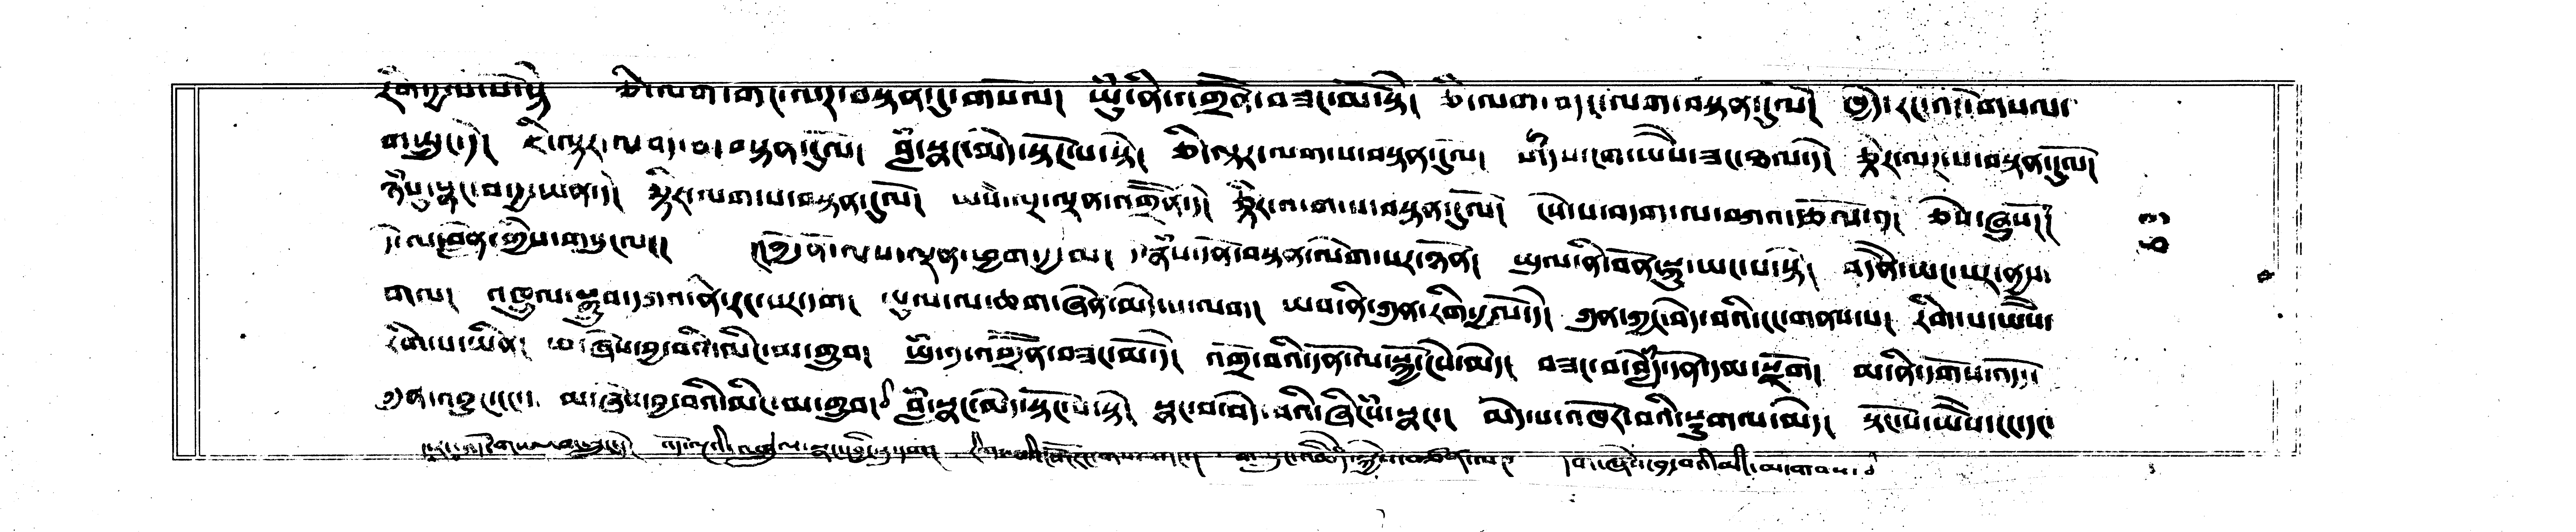རིག་རྒྱལ་པོ་སྟེ། ཅི་ལགས་གང་ལགས་བསྟན་དུ་གསོལ། ཡུམ་ནི་འགྲོ་དོན་བཟང་མོ་སྟེ། ཅི་ལགས་གང་ལགས་བསྟན་དུ་གསོལ། ཁྱེད་རང་འོད་གསལ་
གཡུང་དྲུང་དེ། ཅི་ལྟར་ལགས་པ་བསྟན་དུ་གསོལ། བླ་མ་སྣང་མེད་སྟོང་པ་དེ། ཅི་ལྟར་ལགས་པ་བསྟན་དུ་གསོལ། གདམས་ངག་ཡེ་ཤེས་ཟང་ཐལ་དེ། ཅི་ལྟར་ལགས་པ་བསྟན་དུགསོལ། 
ཉམས་སུ་སྣང་བ་རྒྱ་ཡན་དེ། ཅི་ལྟར་ལགས་པ་བསྟན་དུ་གསོལ། ཡེ་ཤེས་ལྔ་ལྡན་འགྲོ་དོན་དེ། ཅི་ལྟགས་ལགས་པ་བསྟན་དུ་གསོལ། ངེས་པ་བདག་ལ་བཀའ་སྩོལ་ཅིག །ཅེསཞུས་སོ།
དེ་ལ་བླ་ཆེན་གྱིས་གསུངས་པ། ཀྱེ་ཧོ་ལས་ལྡན་ཕྱག་རྒྱ་མ། དེ་རྣམས་དོན་བསྟན་ལེགས་པར་ཉོན། ཡུལ་ནི་བོན་སྐུ་ཡངས་པ་སྟེ། བདེ་ཆེན་ཡངས་པར་གནས་
པ་ལ། འཁྲུལ་སྒྲིབ་ཀ་ནས་རང་སར་དག ཡུལ་ལ་ཆགས་ཞེན་མེད་པ་ལགས། ཡབ་ནི་ཀུན་རིག་རྒྱལ་པོ་དེ། ཀུན་ཀྱང་བདེ་བའི་ངང་ལ་གནས། རིག་པ་ཡེ་ཤེས་
རིག་པ་ཡིན། ཕ་ཞེས་བྱ་བའི་མིང་མ་གྲུབ། ཡུམ་ཅིག་འགྲོ་དོན་བཟང་མོ་དེ། འགྲོ་བའི་དོན་ལ་སྐྱོ་ངལ་མེད། བཟང་བ་བླ་མེད་དོན་དམ་རྫོགས། མ་ནི་དགོས་འདོད་
ཀུན་འབྱུང་ངང་། མ་ཞེས་བྱ་བའི་མིང་མ་གྲུབ། ང་རང་འོད་གསལ་གཡུང་དྲུང་སྟེ། འོད་ལྔའི་འཁྲུལ་སྣང་དབྱིངས་སུ་དག རིག་པའི་ངོ་བོ་རང་གསལ་དང་། གཡུང་དྲུང་འཆི་མེད་སྐྱེས་བཙན་ལ། དབང་ཞེས་བྱ་བའི་མིང་བཏགས་བས། བླ་མ་སྣང་མེད་སྟོང་པ་སྟེ། སྣང་བ་བདེ་བའི་ཞིང་ཁམས་སྣང་། མེད་པ་འཁོར་བའི་སྡུག་བསྔལ་མེད། སྟོང་པ་ཡེ་ཤེས་ངང་དང་།